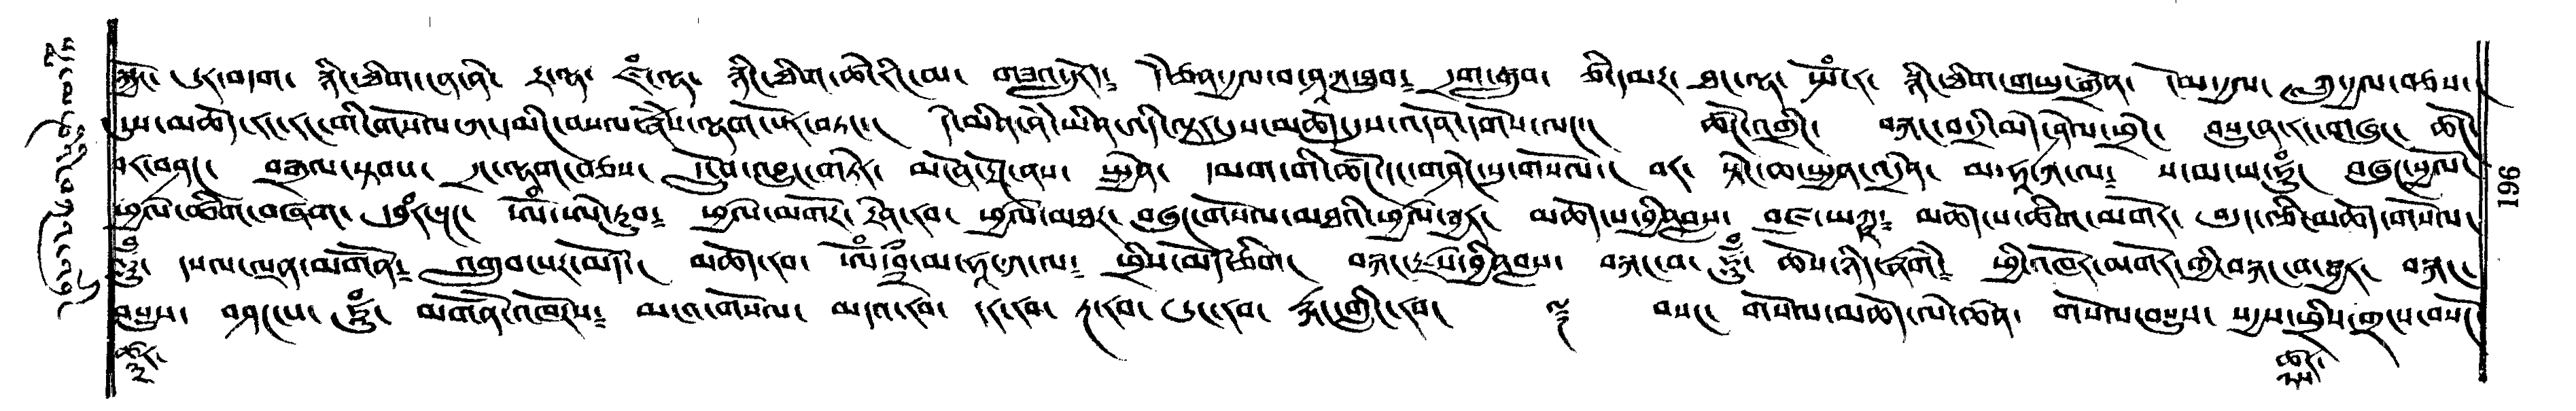སྐྱོང་། དུར་བདག སྙིང་ཐིག་ངན་ནེ། རྟ་ལྷ། ཛམ་ལ། སྙིང་ཐིག་ཚེ་རིང་མ། གཟའ། དུར་ཁྲོད༴ དམ་ཅན། རྒྱལ་བ་ཤཱཀ་ཐུབ༴ དྲག་སྒྲུབ། ཙི་དམར། ཐང་ལྷ། སྤོམ་ར། སྙིང་ཐིག་གཡུ་སྒྲོན། ངོམ་རྒྱལ། ཀླུ་རྒྱལ་བཅས། 
དུས་མཆོད་རང་རང་གི་གསོལ་ཀ་དམིགས་བསལ་རྣམས་ལྷག་པོར་གཏང་། དེ་མིན་ནམ་ཡིན་ཡང་འདི་ལྟར་དུས་མཆོད་འདོན་དགོས་ལགས།། ཚོགས་འགྲིགས། བསྐང་བ་དྲི་མེད་ཤེལ་ཕྲེང་། བསྡུ་ན་རང་གཞུང་། ཚོགས་
བར་བཤགས། སྒྲལ་སྟབ། དྲང་ལྷག་བཅས། དངོས་གྲུབ་འབྱུང་གཏེར། མངོན་རྟོགས་ནས། སྤྱན་འདྲེན། དམག་གི་ཚོགས་དང་གཤེགས་སུ་གསོལ༔ བར། སྤྱན་འདྲེན། མ་ཧཱ་ཀ་ལ༴ ས་མ་ཡ་ཧཱུྃ༔ བཞུགས་གསོལ། 
ཕྱག་འཚལ། དབང་སྐུར་སྔགས། ཨོཾ་ཨེ༴ ཕྱག་འཚལ་མགོར། རྟེན་བརླབ། ཕྱག་འཚལ་མཐར། བཞུགས་གསོལ་གྱི་མཐར་ཕྱག་འཚལ་སྦྱར། མཆོད་པ་བྱིན་རླབས། བཛྲ་ཡཀྵ༴ མཆོད་པའི་ཚིག་མགོར་བདུད་རྩི་མཆོད་གསོལ། 
ཧཱུྃ༔ དཔལ་ལྡན་མགོན་པོ༴ འགྲུབ་པར་མཛོད༔ མཆོད་རབ། ཨོཾ་ཤྲཱི་མ་ཧཱ་ཀ་ལ༴ ཕྲིན་ལས་མཛོད་ཅིག༔ བསྐང་རྫས་བྱིན་རླབས། བསྐང་བ། ཧཱུྃ༔ ཆོས་ཉིད་རྣམ་བདག༴ ཕྱི་འཁོར་གྱི་མགོར་བསྐང་བ་སྦྱར། བསྐང་
བསྡུས། བཤགས་པ། ཧཱུྃ༔ མགོན་པོ་འཁོར་བཅས༴ མངའ་གསོལ། མདའ་རབ། རྔ་རབ། དུང་རབ། རྐང་གླིང་རབ། བསང་། གསོལ་མཆོད་ལེ་ཚན། གསོལ་བསྡུས། སངས་རྒྱས་ཕྲིན་ལས༴ གྲངས་བསོག་ཚར་ཉེར་ལྔ།